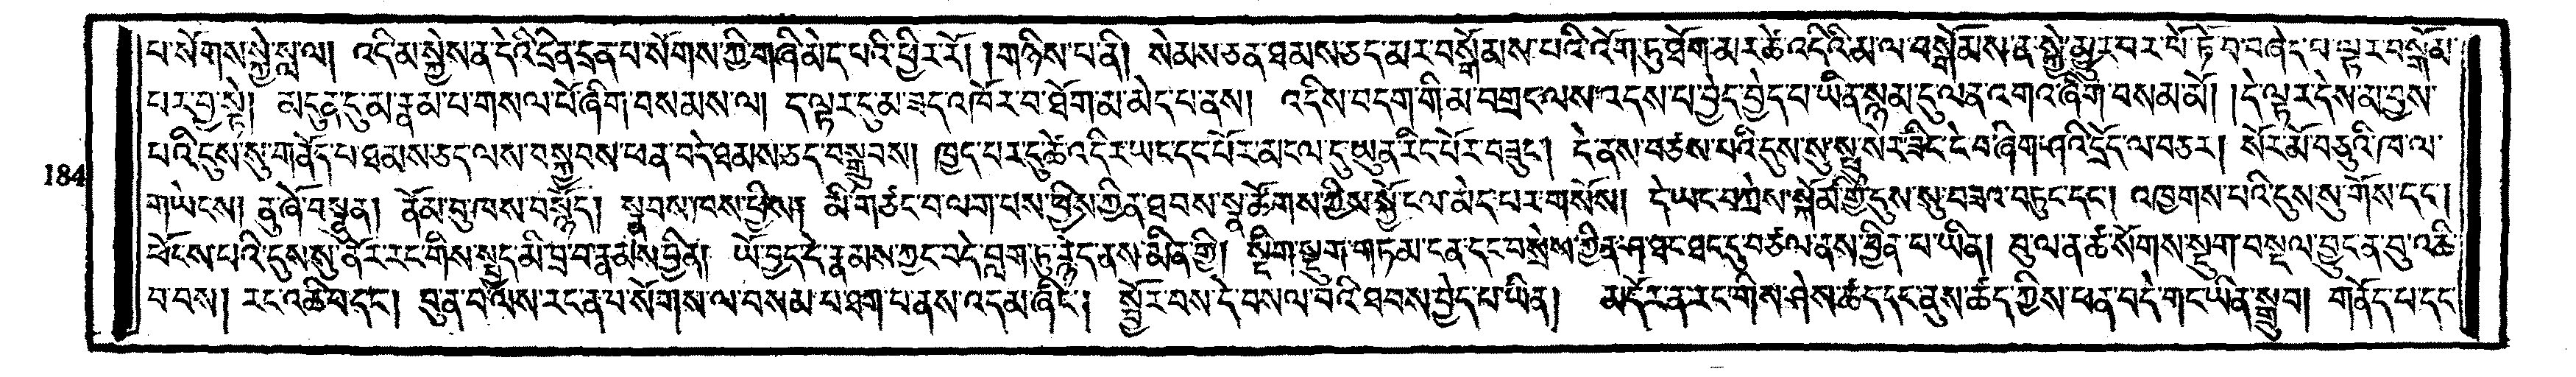པ་སོགས་སྐྱེ་བླ་ལ། འདི་མ་སྐྱེས་ན་དེའི་དྲིན་དྲན་པ་སོགས་ཀྱི་གཞི་མེད་པའི་ཕྱིར་རོ། །གཉིས་པ་ནི། སེམས་ཅན་ཐམས་ཅད་མར་བསྒོམས་པའི་འོག་ཏུ་ཐོག་མར་ཚེ་འདིའི་མ་ལ་བསྒོམས་ན་སྐྱེ་མྱུར་བར་པོ་ཏོབ་བཞེད་པ་ལྟར་བསྒོམ་
པར་བྱ་སྟེ། མདུན་དུ་མ་རྣམ་པ་གསལ་པོ་ཞིག་བསམས་ལ། ད་ལྟར་དུ་མ་ཟད་འཁོར་བ་ཐོག་མ་མེད་པ་ནས། འདིས་བདག་གི་མ་བགྲང་ལས་འདས་པ་བྱེད་བྱེད་པ་ཡིན་སྙམ་དུ་ལན་འགའ་ཞིག་བསམ་མོ། །དེ་ལྟར་དེས་མ་བྱས་
པའི་དུས་སུ་གནོད་པ་ཐམས་ཅད་ལས་བསྐྱབས་ཕན་བདེ་ཐམས་ཅད་བསྒྲུབས། ཁྱད་པར་དུ་ཚེ་འདིར་ཡང་དང་པོར་མངལ་དུ་ཡུན་རིང་པོར་བཟུང་། དེ་ནས་བཙས་པའི་དུས་སུ་སྤུ་སེར་ཟིང་ངེ་བ་ཞིག་ཤའི་དྲོད་ལ་བཅར། སོར་མོ་བཅུའི་ཁ་ལ་
གཡེངས། ནུ་ཞོ་བསྣུན། ནོམ་བུ་ཁས་བསྙོད། སྣབས་ཁས་ཕྱིས། མི་གཙང་བ་ལག་པས་ཕྱིས་ཀྱིན་ཐབས་སྣ་ཚོགས་ཀྱིས་སྐྱོ་ངལ་ངལ་མེད་པར་གསོས། དེ་ཡང་བཀྲེས་སྐོམ་གྱི་དུས་སུ་བཟའ་བཏུང་དང་། འཁྱགས་པའི་དུས་སུ་གོས་དང་།
ཕོངས་པའི་དུས་སུ་ནོར་རང་གིས་སྤྱད་མི་བྲ་བ་རྣམས་བྱིན། ཡོ་བྱད་དེ་རྣམས་ཀྱང་བདེ་བླག་ཏུ་རྙེད་ནས་མིན་གྱི། སྡིག་སྡུག་གཏམ་ངན་དང་བསྲེས་ཀྱིན་ཤ་ཐང་ཐང་དུ་བཙལ་ནས་བྱིན་པ་ཡིན། བུ་ལ་ན་ཚ་སོགས་སྡུག་བསྔལ་བྱུང་ན་བུ་འཆི་
བ་བས། རང་འཆི་བ་དང་། བུ་ན་བ་ལས་རང་ན་བ་སོགས་ལ་བསམ་པ་ཐག་པ་ནས་འདམ་ཞིང་། སྦྱོར་བས་དེ་བསལ་བའི་ཐབས་བྱེད་པ་ཡིན། མདོར་ན་རྣག་གིས་ཤེས་ཚད་དང་ནུས་ཚད་ཀྱིས་ཕན་བདེ་གང་ཡིན་སྒྲུབ། གནོད་པ་དང་